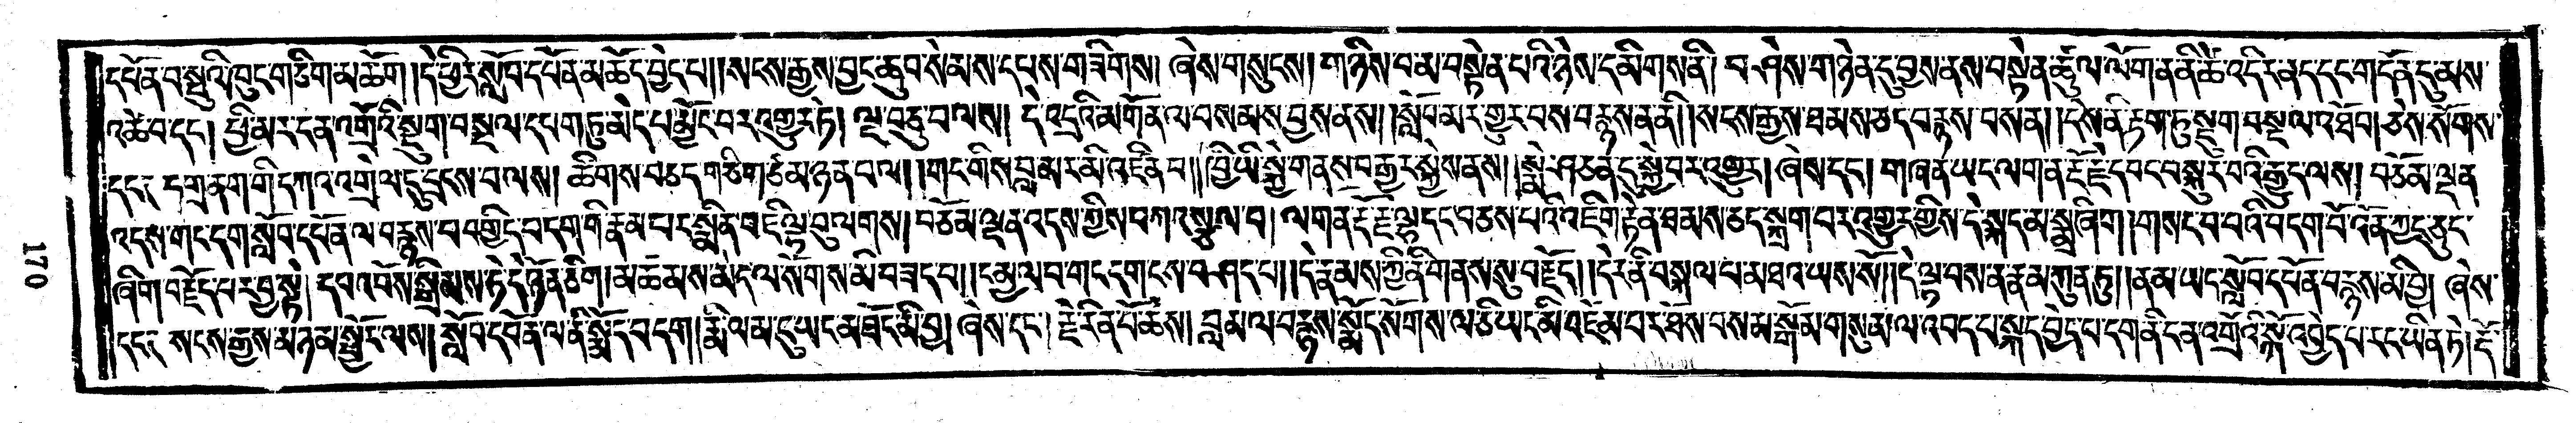དཔོན་བ་སྤུའི་ཁུང་གཅིག་མཆོག །དེ་ཕྱིར་སློབ་དཔོན་མཆོད་བྱེད་པ། །སངས་རྒྱས་བྱང་ཆུབ་སེམས་དཔས་གཟིགས། ཞེས་གསུངས། གཉིས་པ་མ་བསྟེན་པའི་ཉེས་དམིགས་ནི། བཤེས་གཉེན་དུ་བྱས་ནས་བསྟེན་ཚུལ་ལོག་ན་ནི་ཚེ་འདིར་ནད་དང་གདོན་དུ་མས་
འཚེ་བ་དང་། ཕྱི་མར་ངན་འགྲོའི་སྡུག་བསྔལ་དཔག་ཏུ་མེད་པ་མྱོང་བར་འགྱུར་ཏེ། ལྔ་བཅུ་བ་ལས། དེ་འདྲའི་མགོན་ལ་བསམས་བྱས་ནས། །སློབ་མར་གྱུར་བས་བརྙས་ན་ནི། །སངས་རྒྱས་ཐམས་ཅད་བརྙས་བསན། །དེས་ནི་རྟག་ཏུ་སྡུག་བསྔལ་འཐོབ། ཅེས་སོགས་
དང༑ དགྲ་ནག་གི་དཀའ་འགྲེལ་དུ་དྲངས་བ་ལས། ཚིགས་བཅད་གཅིག་ཙམ་ཉན་པ་ལ། །གང་གིས་བླ་མར་མི་འཛིན་པ། །ཁྱི་ཡི་སྐྱེ་གནས་བརྒྱར་སྐྱེས་ནས། །སྨེ་ཤ་ཅན་དུ་སྐྱེ་བར་འགྱུར། ཞེས་དང་། གཞན་ཡང་ལག་ན་རྡོ་རྗེ་དབང་བསྐུར་བའི་རྒྱུད་ལས། བཅོམ་ལྡན་
འདས་གང་དག་སློབ་དཔོན་ལ་བརྙས་པ་བགྱིད་བདག་གི་རྣམ་པར་སྨིན་པ་ཇི་ལྟ་བུ་ལགས། བཅོམ་ལྡན་འདས་ཀྱིས་བཀའ་སྩལ་བ། ལག་ན་རྡོ་རྗེ་ལྷ་དང་བཅས་པའི་འཇིག་རྟེན་ཐམས་ཅད་སྐྲག་པར་འགྱུར་གྱིས་དེ་སྐད་མ་སྨྲ་ཞིག། གསང་བ་བའི་བདག་བོ་འོན་ཀྱང་ཅུང་
ཞིག་བརྗོད་པར་བྱ་སྟེ། དཔའ་བོས་སྒྲིམས་ཏེ་དེ་ཉོན་ཅིག །མཚམས་མེད་ལ་སོགས་མི་བཟད་པ། །དམྱལ་བ་གང་དག་ངས་བཤད་པ། །དེ་རྣམས་ཀྱི་ནི་གནས་སུ་བརྗོད། །དེར་ནི་བསྐལ་པ་མཐའ་ཡས་སོ། །དེ་ལྟ་བས་ན་རྣམ་ཀུན་ཏུ། །ནམ་ཡང་སློབ་དཔོན་བརྙས་མི་བྱ། ཞེས་
དང༑ སངས་རྒྱས་མཉམ་སྦྱོར་ལས། སློབ་དཔོན་ལ་ནི་སྨོད་བདག། རྨི་ལམ་དུ་ཡང་མཐོང་མི་བྱ། ཞེས་དང་། རྗེ་རིན་པོ་ཆེས། བླ་མ་ལ་བརྙས་སྨོད་སོགས་ལ་ཅི་ཡང་མི་འཇོམ་པར་ཐོས་བསམ་སྒོམ་གསུམ་ལ་འབད་པ་སྐད་བྱེད་པ་དག་ནི་ངན་འགྲོའི་སྐོ་འབྱེད་པ་རང་ཡིན་ཏེ། རྡོ་